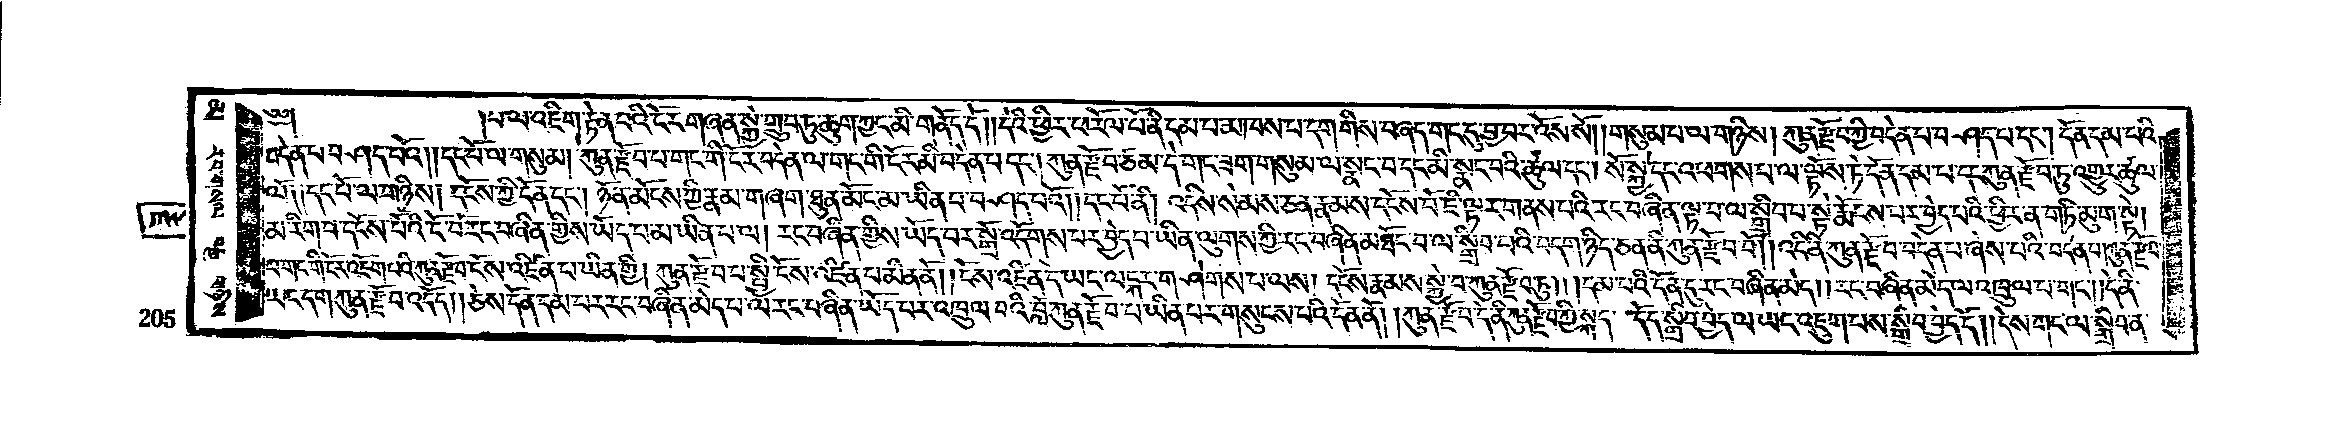༄༅། །པ་ལ་འཇིག་རྟེན་པའི་ངོར་གཞན་སྐྱེ་གྲུབ་ཏུ་ཆུག་ཀྱང་མི་གནོད་དོ། །དེའི་ཕྱིར་ཕ་རོལ་པོ་ནི་དམ་པ་མཁས་པ་དག་གིས་བཞད་གད་དུ་བྱ་བར་འོས་སོ། །གསུམ་པ་ལ་གཉིས། ཀུན་རྫོབ་ཀྱི་བདེན་པ་བཤད་པ་དང་། དོན་དམ་པའི་
བདེན་པ་བཤད་པའོ། །དང་པོ་ལ་གསུམ། ཀུན་རྫོབ་པ་གང་གི་ངོར་བདེན་ལ་གང་གི་ངོར་མི་བདེན་པ་དང་། ཀུན་རྫོབ་ཙམ་དེ་གང་ཟག་གསུམ་ལ་སྣང་བ་དང་མི་སྣང་པའི་ཚུལ་དང་། སོ་སྐྱེ་དང་འཕགས་པ་ལ་ལྟོས་ཏེ་དོན་དམ་པ་དང་ཀུན་རྫོབ་ཏུ་འགྱུར་ཚུལ་
ལོ། །དང་པོ་ལ་གཉིས། དངོས་ཀྱི་དོན་དང་། ཉོན་མོངས་ཀྱི་རྣམ་གཞག་ཐུན་མོང་མ་ཡིན་པ་བཤད་པའོ། །དང་པོ་ནི། འདིས་སེམས་ཅན་རྣམས་དངོས་པོ་ཇི་ལྟར་གནས་པའི་རང་བཞིན་ལྟ་བ་ལ་སྒྲིབ་པ་སྟེ་རྨོངས་པར་བྱེད་པའི་ཕྱིར་ན་གཏི་མུག་སྟེ།
མ་རིག་པ་དངོས་པོའི་ངོ་བོ་རང་བཞིན་གྱིས་ཡོད་པ་མ་ཡིན་པ་ལ། རང་བཞིན་གྱིས་ཡོད་པར་སྒྲོ་འདོགས་པར་བྱེད་པ་ཡིན་ལུགས་ཀྱི་རང་བཞིན་མཐོང་བ་ལ་སྒྲིབ་པའི་བདག་ཉིད་ཅན་ནི་ཀུན་རྫོབ་བོ། །འདི་ནི་ཀུན་རྫོབ་བདེན་པ་ཞེས་པའི་བདེན་པ། ཀུན་རྫོབ་
པ་གང་གི་ངོར་འཇོག་པའི་ཀུན་རྫོབ་ངོས་འཛིན་པ་ཡིན་གྱི། ཀུན་རྫོབ་པ་སྤྱི་ངོས་འཛིན་པ་མིན་ནོ། །ངོས་འཛིན་དེ་ཡང་ལང་ཀར་གཤེགས་པ་ལས། དངོས་རྣམས་སྐྱེ་བ་ཀུན་རྫོབ་ཏུ། །དམ་པའི་དོན་དུ་རང་བཞིན་མེད། །རང་བཞིན་མེད་ལ་འཁྲུལ་པ་གང་། །དེ་ནི་
ཡང་དག་ཀུན་རྫོབ་འདོད། །ཅེས་དོན་དམ་པར་རང་བཞིན་མེད་པ་ལ་རང་བཞིན་ཡོད་པར་འཁྲུལ་བའི་བློ་ཀུན་རྫོབ་པ་ཡིན་པར་གསུངས་པའི་དོན་ནོ། །ཀུན་རྫོབ་དེ་ནི་ཀུན་རྫོབ་ཀྱི་སྐད་འདོད་སྒྲིབ་བྱེད་ལ་ཡང་འཇུག་པས་སྒྲིབ་བྱེད་དོ། །དེས་གང་ལ་སྒྲིབ་ན་